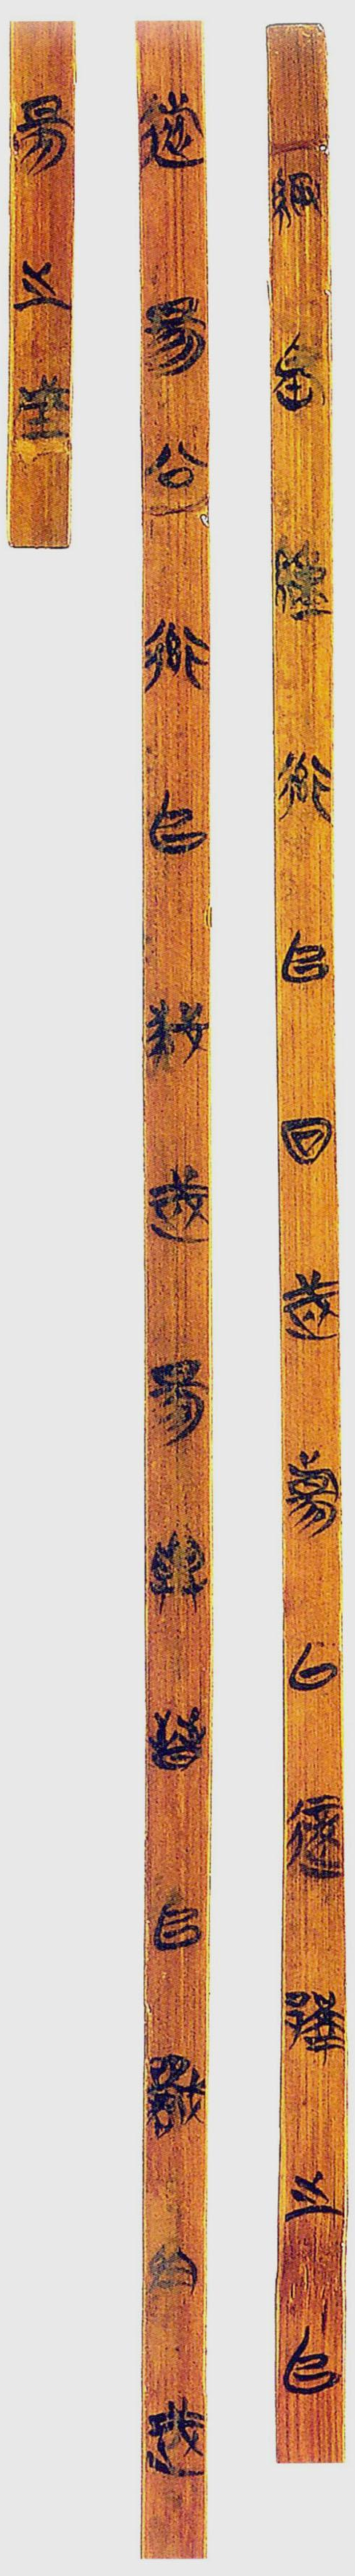緅{鬼山}（魏）{糸軎}率𠂤回武{㫃昜}㠯（以）復{口幸阝}之𠂤{辶旅}昜公率𠂤{求戈}武昜與晉𠂤戰於武昜之城
